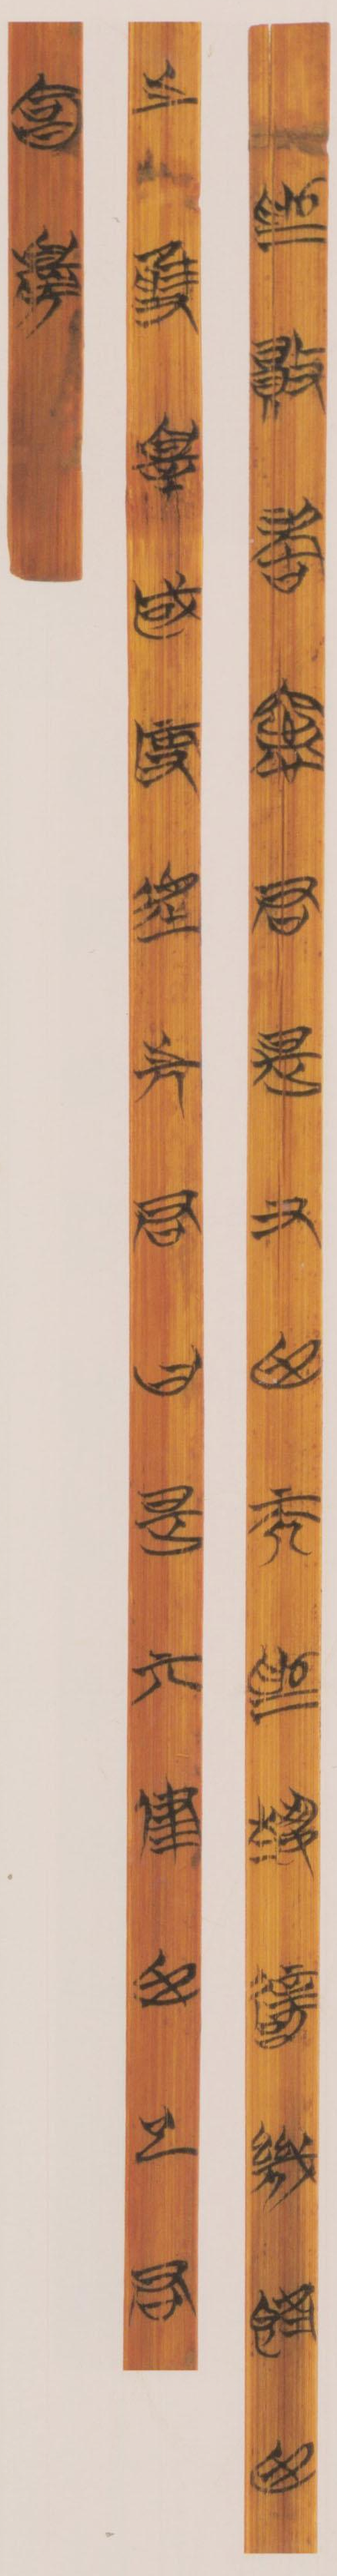爲{貝貝攴}𬚋{穴心皿}君是又臣而爲埶辟幾既臣之雘辠或辱𫊟先君曰是亓{人𦘔}臣也君答臱
